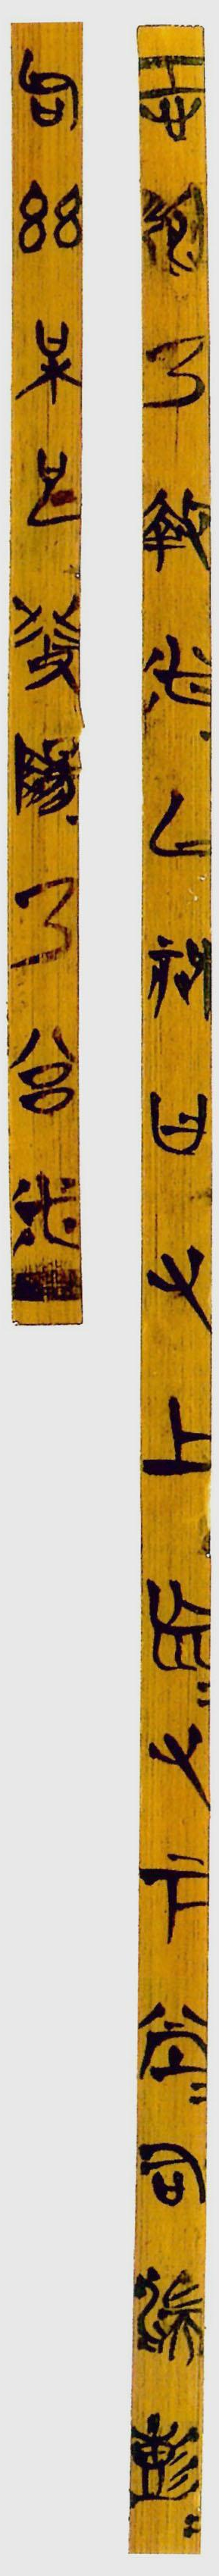{工心}溺乃{幸攴}釆㠯（以）祝曰又上巟=又下坣=司湍彭=句兹某也發陽乃予釆
